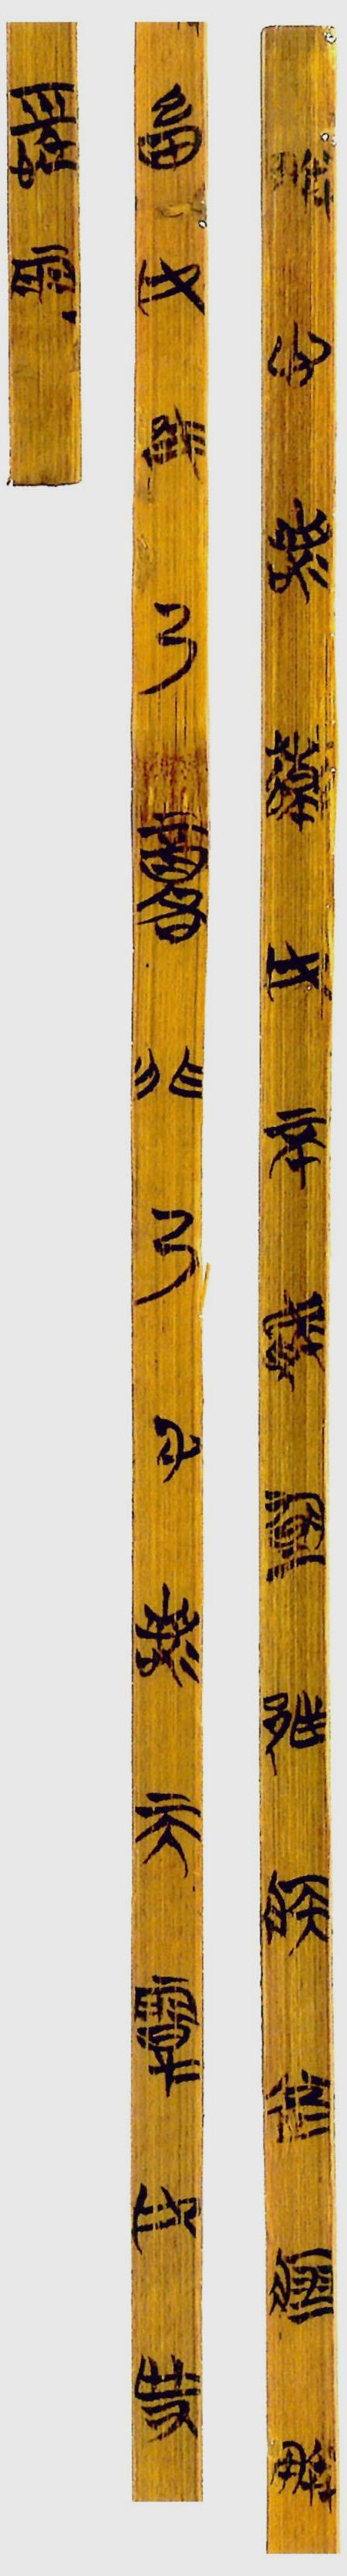朕心若藥女不{民見}{土旬}{戉阝}疾罔瘳朕畜女隹乃{复口}非乃身若天{雨旱}女拃（作）{㸒心}雨
